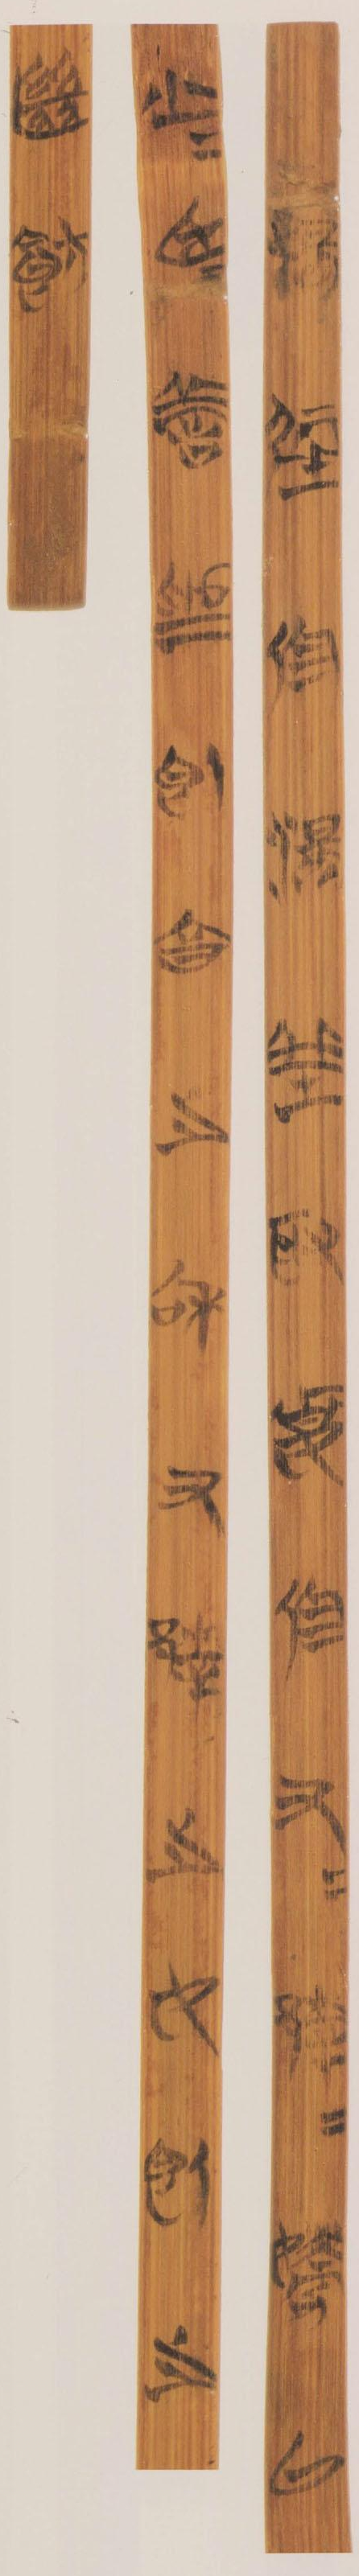湯{尸几土}於湯{丘土}取妻於又={邑木辛}={女舛亼几力}㠯（以）少=臣=善爲飤亯之和又{邑木辛}之女飤之㡭{食方}
